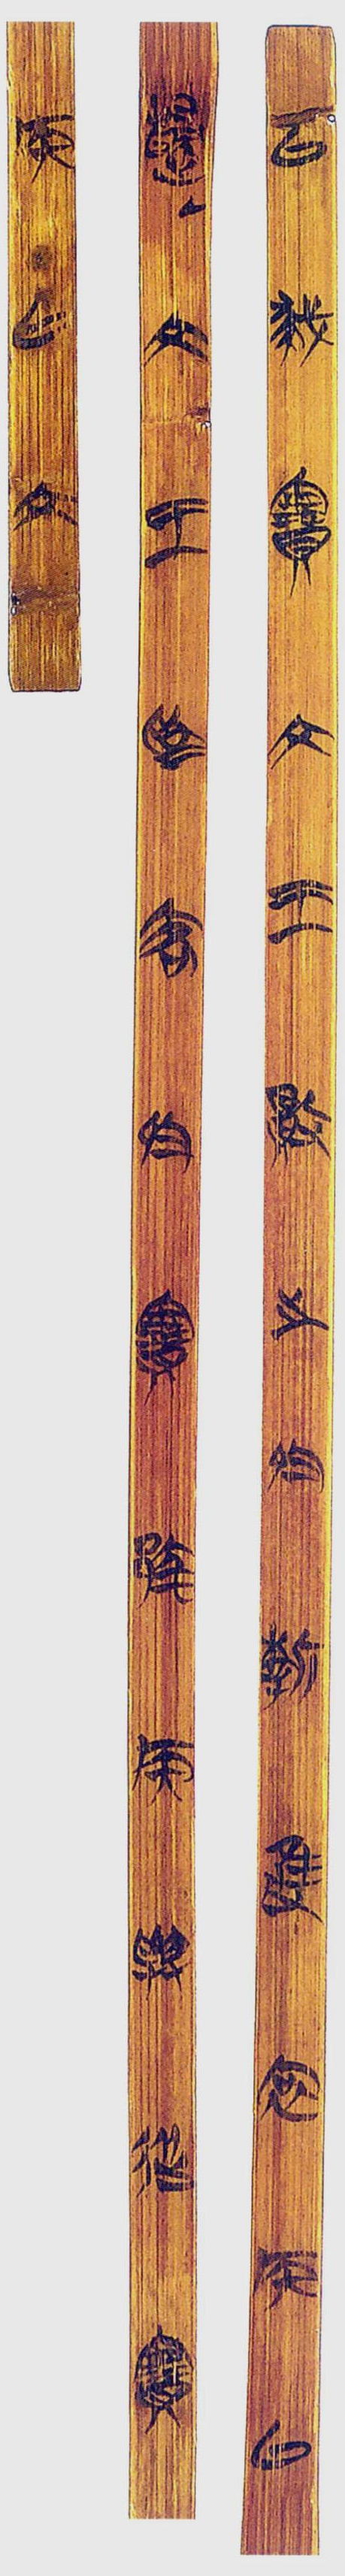㠯（以）{求戈}賽文王敗之於新雘哀侯㠯（以）歸文王爲客於賽○（蔡）侯與從賽侯㠯（以）文
